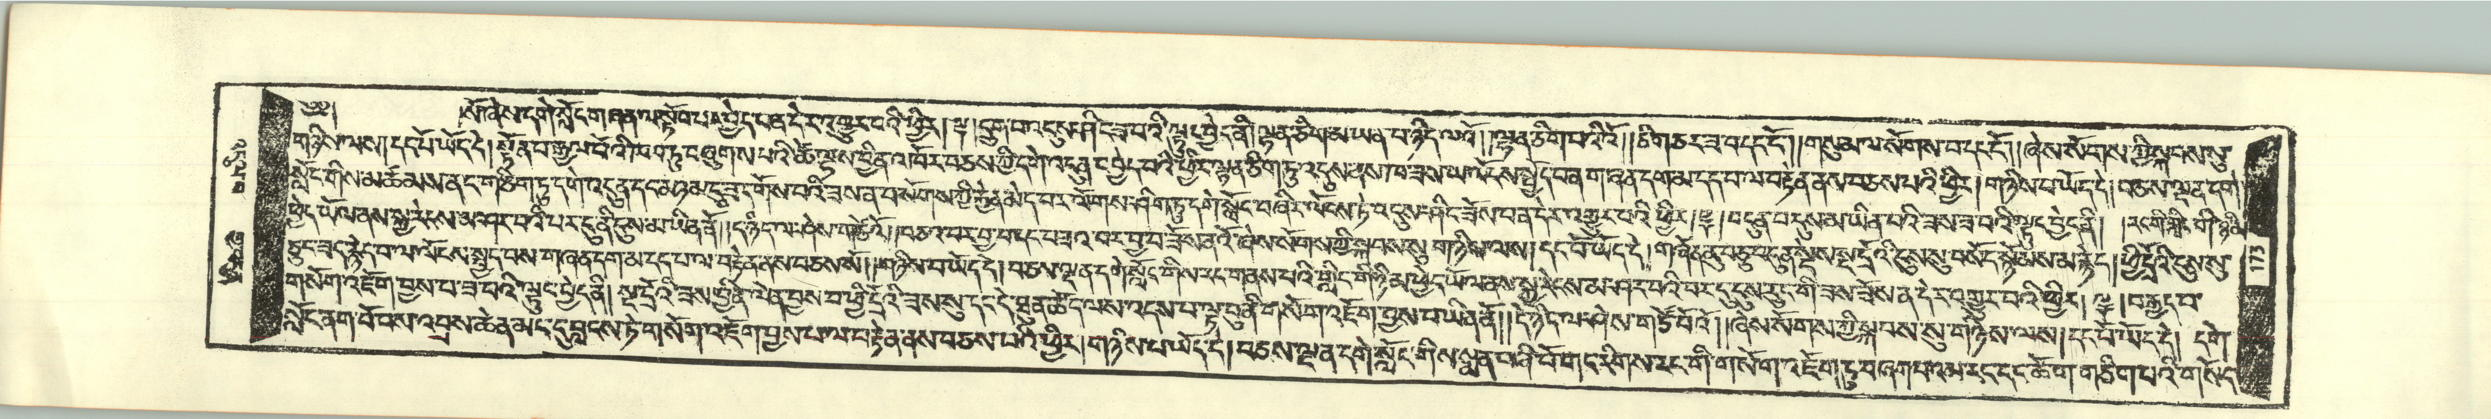༄༅། །སོ་ཞེས་དགེ་སློང་གཞན་ལ་སྟོབ་པར་བྱེད་པ་ན་དེར་འགྱུར་བའི་ཕྱིར། ༈ །དྲུག་པ་འདུས་ཤིང་ཟ་བའི་ལྟུང་བྱེད་ནི། ལྷན་ཅིག་མ་ཡན་པ་ཉིད་ལའོ། །ལྷན་ཅིག་པའི་འོ། །ཅིག་ཅར་ཟ་བ་དང་ངོ། །གསུམ་ལ་སོགས་པ་དང་ངོ། །ཞེས་སོགས་ཀྱི་སྐབས་སུ་
གཉིས་ལས། དང་པོ་ཡོད་དེ། སྟོན་པ་རྒྱལ་པོའི་ཁབ་ཏུ་བཞུགས་པའི་ཚེ་ལྷས་བྱིན་འཁོར་བཅས་ཀྱི་དགེ་འདུན་འབྱེད་པའི་ཕྱིར་ལྟན་ཅིག་ཏུ་འདུས་ནས་ཁ་ཟས་ཨིཨ་ལོངས་སྤྱོད་པ་ན་གཞན་དག་མ་དད་པ་ལ་བརྟེན་ནས་བཅས་པའི་ཕྱིར། གཉིས་པ་ཡོད་དེ། བཅས་ལྡན་དགེ་
སློང་གིས་མཚམས་ནང་གཅིག་ཏུ་དགེ་འདུན་དང་མཉམ་དུ་ཟ་དགོས་པའི་ཟས་ན་བ་སོགས་ཀྱི་རྐྱེན་མེད་པར་ལོགས་ཤིག་ཏུ་དགེ་སློང་བཞིར་ལོངས་ཏེ་འདུས་ཤིང་ཟོས་བ་ན་དེར་འགྱུར་པའི་ཕྱིར། ༈ །བདུན་བདུས་མ་ཡིན་པའི་ཟས་ཟ་བའི་ལྟུང་བྱེད་ནི། །རང་གི་གླིང་གི་ཉི་མ་
ཕྱེད་ཡོལ་ནས་སྐྱ་རེངས་མ་ཤར་བའི་པར་དུ་ནི་དུས་མ་ཡིན་ནོ། །ད་ཉིད་ལ་ཤེས་གཙེའོ། །བཅའ་བར་བྱ་བ་དང་བཟའ་བར་བྱ་བ་ཟོས་ནའོ་ཞེས་སོགས་ཀྱི་སྐབས་སུ་གཉིས་ལས། དང་པོ་ཡོད་དེ། གཞོན་ནུ་བཅུ་བདུན་སྡེས་སྔ་དྲོའི་དུས་སུ་བསོད་སྙོམས་མ་རྙེད། ཕྱི་དྲོའི་དུས་སུ་
ཅུང་ཟད་རྙེད་བ་ལ་ལོངས་སྤྱད་པས་གཞན་དག་མ་དད་པ་ལ་བརྟེན་ནས་བཅས་སོ། །གཉིས་པ་ཡོད་དེ། བཅས་ལྡན་དགེ་སློང་གིས་རང་གནས་པའི་གླིང་གི་ཉི་མ་ཕྱེད་ཡོལ་ནས་སྐྱ་རེངས་མ་ཤར་བའི་བར་དུ་དུས་རུང་གི་ཟས་ཟོས་ན་དེར་འགྱུར་བའི་ཕྱིར། ༈ །བརྒྱད་པ་
གསོག་འཇོག་བྱས་པ་ཟ་པའི་ལྟུང་བྱེད་ནི། སྔ་དྲོའི་ཟས་བྱིན་ལེན་བྱས་བ་ཕྱི་དྲོའི་ཟས་སུ་དང་དེ་ཐུན་ཚོད་ལས་འདས་པ་ལྟ་བུ་ནི་གསོག་འཇོག་བྱས་པ་ཡིན་ནོ། །དེ་ཉིད་ལ་ཤེས་གཙོ་བོའོ། །ཞེས་སོགས་ཀྱི་སྐབས་སུ་གཉིས་ལས། དང་པོ་ཡོད་དེ། དགེ་
སློང་ནག་པོ་བས་འབྲས་ཆེན་མང་དུ་བླངས་ཏེ་གསོག་འཇོག་བྱས་པ་ལ་བརྟེན་ནས་བཅས་པའི་ཕྱིར། གཉིས་པ་ཡོད་དེ། བཅས་ལྡན་དགེ་སློང་གིས་སྨན་བཞི་པོ་གང་རིགས་རང་གི་གསོག་འཇོག་ཏུ་བཞག་པའམ་རང་དང་ཆོ་ག་གཅིག་པའི་གསོད་